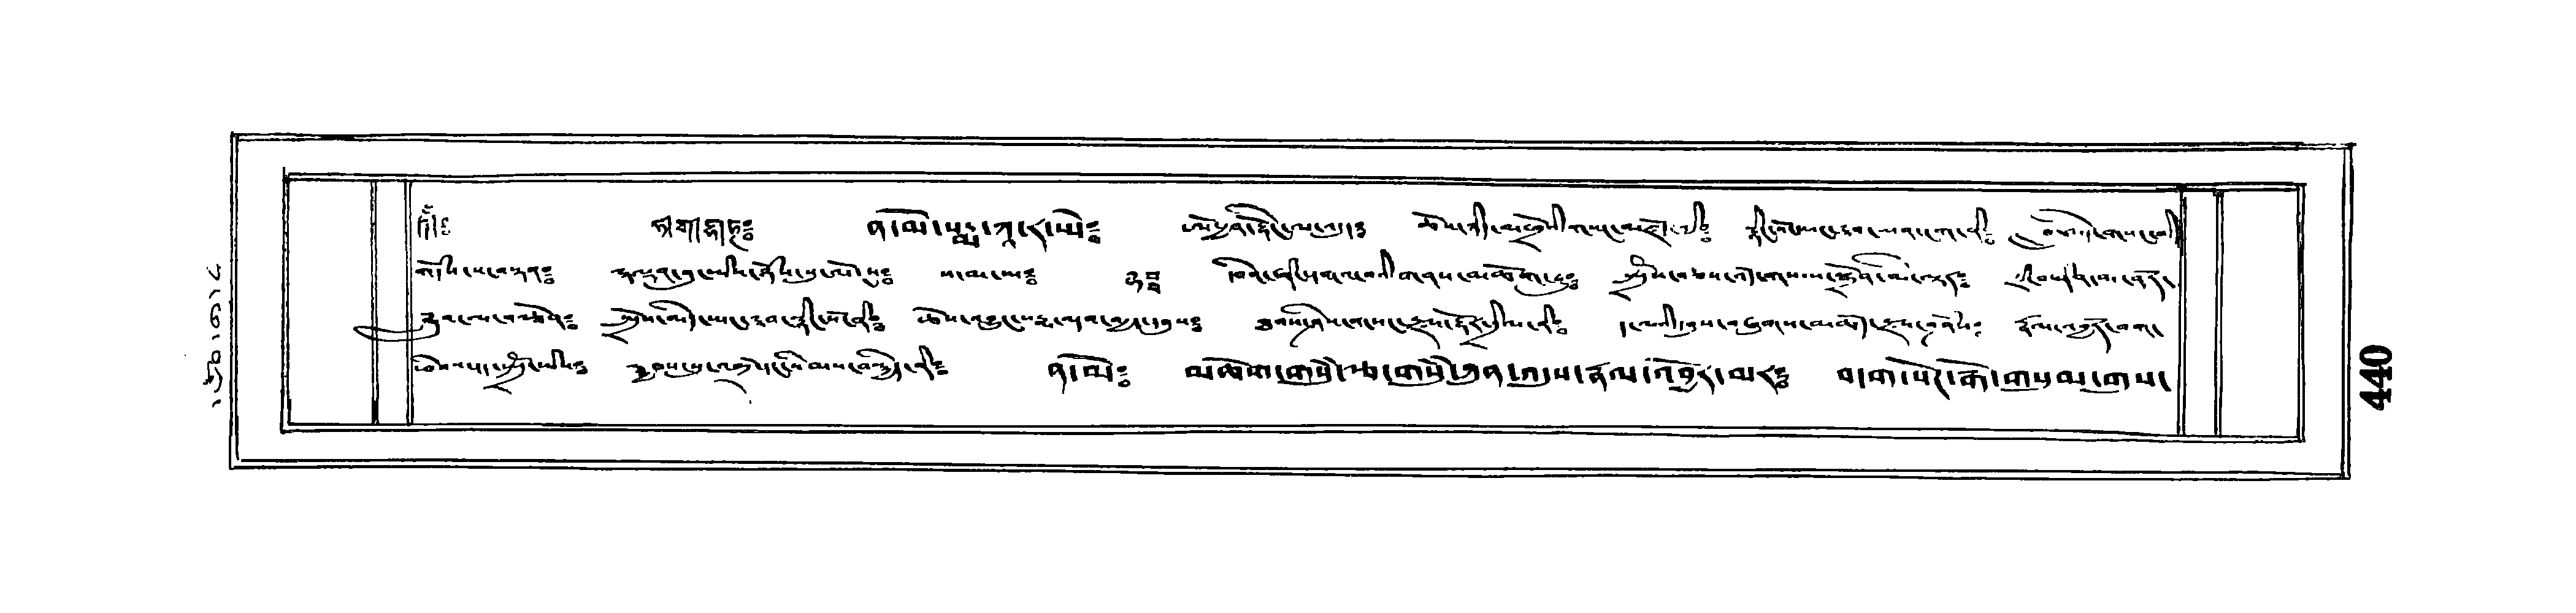ན་མོ་པདྨ་ཀཱ་ར་ཡེ༔ ཨོ་རྒྱན་རྡོ་རྗེ་འཆང་ལ་འདུད༔ ཆོས་ཉིད་མཁའ་འགྲོའི་གསང་མཛོད་ཀྱི༔ སྙིང་པོ་ཡང་ཟབ་ཡན་ངག་ནི༔ བླངས་ཏེ་གསང་བའི་
གདམས་པ་བསྟན༔ སྐལ་ལྡན་བུ་ཡིས་ཉམས་སུ་ལོངས༔ ས་མ་ཡ༔ དབེན་ཞིང་དགའ་བའི་གནས་མཆོག་ཏུ༔ སྤྲོས་བཅས་འོད་གསལ་སྒྲོན་མེ་ལྟར༔ ཇི་བཞིན་མ་ནོར་
སྒྲུབ་ལ་བརྩོན༔ སྤྲོས་མེད་ཡང་ཟབ་སྙིང་པོ་ནི༔ ཆོས་འབྱུང་པདྨ་འདབ་བརྒྱད་དབུས༔ ཐབས་ཤེས་གསང་རྫས་རྡོར་དྲིལ་ནི༔ ད་ལའི་དབུས་བཞུགས་མཆོད་རྫས་བཤམས༔ རྣལ་འབྱོར་བག་
ཕེབས་དད་སྤྲོ་ཡིས༔ སྐྱབས་སུ་འགྲོ་དང་སེམས་བསྐྱེད་ནི༔ ན་མོ༔ མཆོག་གསུམ་རྩ་གསུམ་ཀུན་འདུས་རྣལ་འབྱོར་མར༔ བདག་སོགས་སྒོ་གསུམ་གུས་